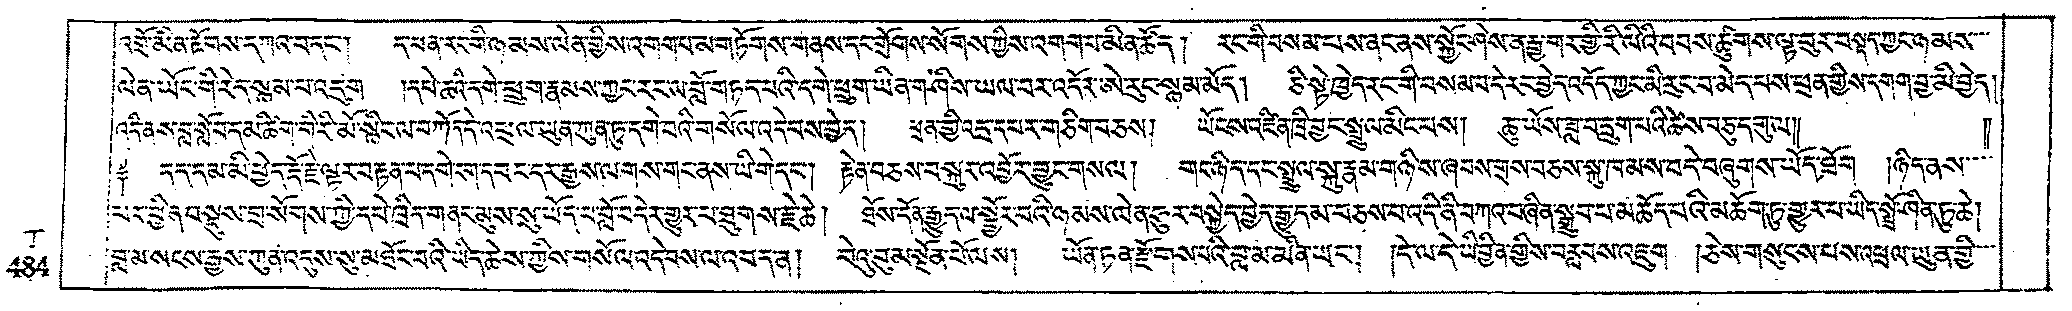འགྲོ་མིན་རྟོགས་དཀའ་བ་དང་། ད་ཕན་རང་གི་ཉམས་ལེན་གྱིས་འགག་པ་མ་གཏོགས་གནས་དང་གྲོགས་སོགས་ཀྱིས་འགག་པ་མིན་ཚོད། རང་གི་བསམ་པས་ནང་ནས་སྐྱོང་ཤེས་ན་རྒྱ་གར་གྱི་རི་ལིའི་བབས་ཚུགས་ལྟ་བུར་བསྡད་ཀྱང་ཉམྶ་་་
ལེན་ཡོང་གི་རེད་སྙམ་པ་འདུག །དཔེ་ཆའི་དགེ་ཕྲུག་རྣམས་ཀྱང་རང་ལ་བློ་གཏད་པའི་དགེ་ཕྲུག་ཡིན་གཤིས་ཡལ་བར་འདོར་ཨེ་རུང་སྙམ་མོད། ཅི་སྟེ་ཁྱེད་རང་གི་བསམ་པ་དེ་རང་བྱེད་འདོད་ཀྱང་མི་རུང་བ་མེད་པས་ཕྲན་གྱིས་དགག་བྱ་མི་བྱེད།
འདི་ནས་བློ་སློབ་དམ་ཚིག་གི་རི་མོ་སྙིང་ལ་བཀོད་དེ་འཕྲལ་ཡུན་ཀུན་ཏུ་དགེ་བའི་གསོལ་འདེབས་བྱེད། ཕྲན་གྱི་འདྲ་དཔར་གཅིག་བཅས། ཡོངས་འཛིན་ཁྲི་བྱང་སྤྲུལ་མིང་པས། ཆུ་ཡོས་ཟླ་བ་དྲུག་པའི་ཚེས་བཅུ་དགུ་ལ།། །།
འ་དད་དམ་མི་ཕྱེད་རྡོ་རྗེ་ལྟར་བརྟན་པ་དགེ་ངག་དབང་དར་རྒྱས་ལགས་གང་ནས་ཡི་གེ་དང་། རྟེན་བཅས་བསྐུར་འབྱོར་བྱུང་གསལ། གང་ཉིད་དང་སྤྲུལ་སྐུ་རྣམ་གཉིས་ཞབས་གྲས་བཅས་སྐུ་ཁམས་བདེ་བཞུགས་ཡོད་ཐོག །ཉིད་ནས་་་
ཕར་ཕྱིན་བསྡུས་གྲ་སོགས་ཀྱི་དཔེ་ཁྲིད་གནང་མུས་སུ་ཡོད་པ་བློ་བདེར་གྱུར་པ་ཐུགས་རྗེ་ཆེ། ཐོས་དོན་རྒྱུད་ལ་སྦྱོར་བའི་ཉམས་ལེན་ཧུར་བསྐྱེད་བྱེད་རྒྱུ་དམ་བཅས་པ་འདི་ནི་བཀའ་བཞིན་སྒྲུབ་པ་མཆོད་པའི་མཆོག་ཏུ་གྱུར་པ་ཡིད་སྤྲོ་ཤིན་ཏུ་ཆེ།
བླ་མ་སངས་རྒྱས་ཀུན་འདུས་སུ་མཐོང་བའི་ཡིད་ཆེས་ཀྱིས་གསོལ་འདེབས་ལ་འབད་ན། བེའུ་བུམ་སྔོན་པོ་ལས། ཡོན་ཏན་རྫོགས་པའི་བླ་མ་མིན་ཡང་། །དེ་ལ་དེ་ཡི་བྱིན་གྱིས་བརླབས་འཇུག །ཅེས་གསུངས་པས་འཕྲལ་ཡུན་གྱི་་་